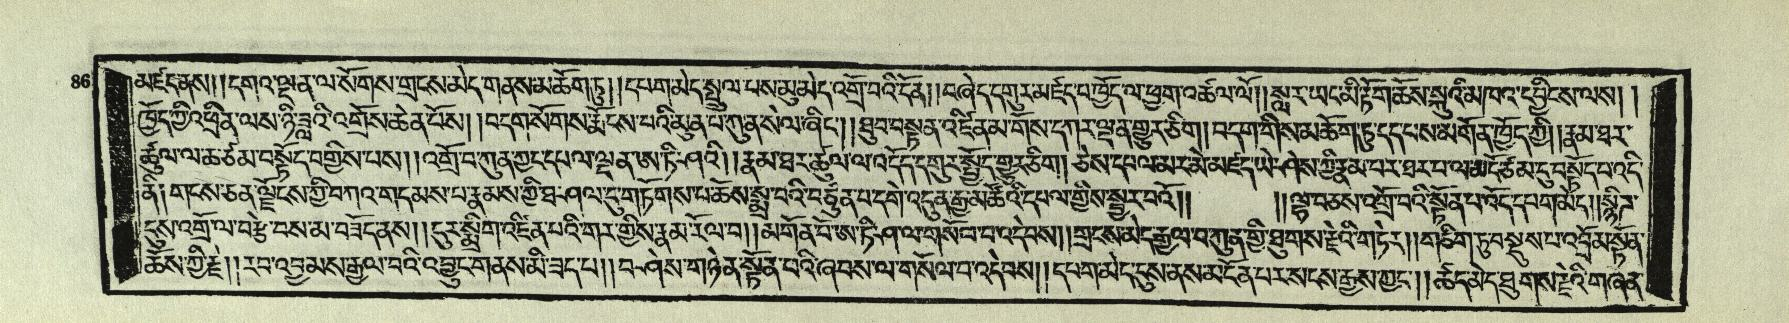མཛད་ནས། །དགའ་ལྡན་ལ་སོགས་གྲངས་མེད་གནས་མཆོག་ཏུ། །དཔག་མེད་སྤྲུལ་པས་མུ་མེད་འགྲོ་བའི་དོན། །བཞེད་དགུར་མཛད་པ་ཁྱོད་ལ་ཕྱག་འཚལ་ལོ། །སླར་ཡང་མི་རྟོག་ཆོས་སྐུའི་མཁའ་དབྱིངས་ལས། །
ཁྱོད་ཀྱི་འཕྲིན་ལས་ཉི་ཟླའི་འགྲོས་ཆེན་པོས། །བདག་སོགས་རྨོངས་པའི་མུན་པ་ཀུན་སེལ་ཞིང་། །ཐུབ་བསྟན་འཛིན་མ་གོས་དཀར་ལྡན་གྱུར་ཅིག། བདག་གིས་མཆོག་ཏུ་དད་པས་མགོན་ཁྱོད་ཀྱི། །རྣམ་ཐར་
ཚུལ་ལ་ཆ་ཙམ་བསྟོད་བགྱིས་པས། །འགྲོ་བ་ཀུན་ཀྱང་དཔལ་ལྡན་ཨ་ཏི་ཤའི། །རྣམ་ཐར་ཚུལ་ལ་འདོད་དགུར་སྤྱོད་གྱུར་ཅིག། ཅེས་དཔལ་མར་མེ་མཛད་ཡེ་ཤེས་ཀྱི་རྣམ་པར་ཐར་པ་ལ་མདོ་ཙམ་དུ་བསྟོད་པ་འདི་
ནི༑ གངས་ཅན་ལྗོངས་ཀྱི་བཀའ་གདམས་པ་རྣམས་ཀྱི་ཐ་ཤལ་དུ་གཏོགས་པ་ཆོས་སྨྲ་བའི་བཙུན་པ་དགེ་འདུན་རྒྱ་མཚོའི་དཔལ་གྱིས་སྦྱར་བའོ།། །།ལྷ་བཅས་འགྲོ་བའི་སྟོན་པ་འོད་དཔག་མེད། །སྙིཌ་
དུས་འགྲོ་ལ་བརྩེ་བས་མ་བཟོད་ནས། །དུར་སྨྲིག་འཛིན་པའི་གར་གྱིས་རྣམ་རོལ་བ། །མགོན་པོ་ཨ་ཏི་ཤ་ལ་གསོལ་བ་འདེབས། །གྲངས་མེད་རྒྱལ་བ་ཀུན་གྱི་ཐུགས་རྗེའི་གཏེར། །གཅིག་ཏུ་བསྡུས་པ་འབྲོམ་སྟོན་
ཆོས་ཀྱི་རྗེ། །རབ་འབྱམས་རྒྱལ་བའི་འབྱུང་གནས་མི་ཟད་པ། །བཤེས་གཉེན་སྟོན་པའི་ཞབས་ལ་གསོལ་བ་འདེབས། །དཔག་མེད་དུས་ནས་མངོན་པར་སངས་རྒྱས་ཀྱང་། །ཚད་མེད་ཐུགས་རྗེའི་གཞན་